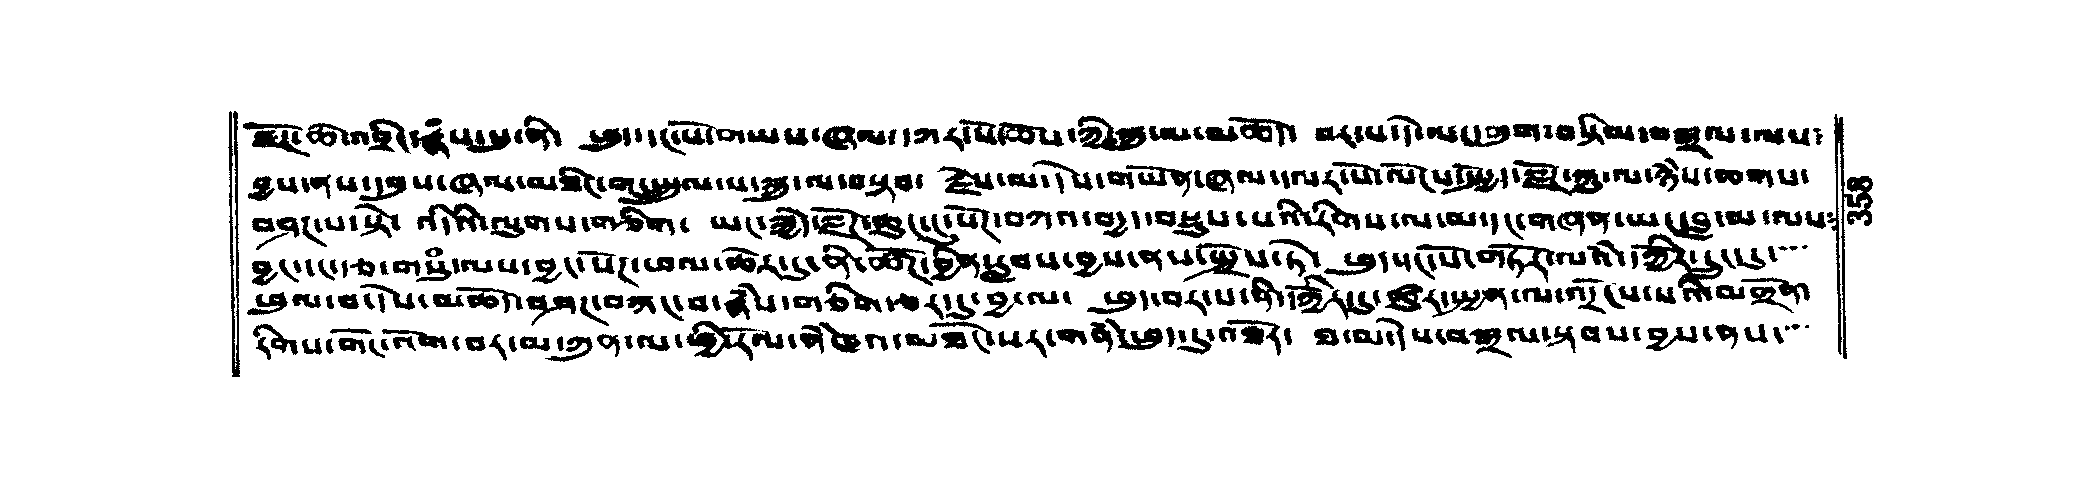རྫོགས་ཆེ་འབྲིང་རྣམས་སུ་ནི། ཕུད་དང་པོ་གཡས་ཞལ་དཀར་པོ་ཆོས་ཀྱི་སྐུ་ལ་མཆོད། བར་པ་དེ་ལ་དགུག་བསྟིམ་བསྒྲལ་ལས་
བྱས་ནས་དབུས་ཞལ་མཐིང་ག་སྤྲུལ་པ་སྐུ་ལ་བསྟབ། རྗེས་མ་དེས་གཡོན་ཞལ་དམར་པོ་ལོངས་སྐུ་ལ་ཉམས་ཆགས་
བཤད་པ་སྟེ། འདིའི་ལུགས་གཅིག་ ཡང་བསྐྱེད་རྫོགས་ཆུང་དུ་ནི་སོགས་བཀའ་བརྒྱད་བསྡུས་པའི་རིགས་ལམ་དང་གཞན་ཡང་བླ་མ་ལས་
བྱང་དང་རྩ་གསུམ་ལས་བྱང་སོགས་ཕལ་ཆེར་དུ་ནི་ཚོགས་བྱིན་རླབས་བྱས་ནས་སྤྲོས་ཏེ་ ཕུད་དང་པོ་གཏོར་མའམ་དཀྱིལ་འཁོར་དྲུང་དུ་
ཕུལ་བ་དེས་མཆོད་བཤགས་བསྐང་བ་རྣམས་གཅིག་ཅར་དུ་བྱས་ལ། ཕུད་བར་པ་ནི་དཀྱིལ་འཁོར་དུ་ཚུར་སྤྱན་མ་འདྲོངས་པའི་མགྲོན་
རིགས་གོང་འོག་བར་མ་ཀུན་ལ་ཕྱི་རོལ་ནམ་མཁའ་མཐོང་པར་གནམ་ཕུད་དུ་འཐོར། ཐ་མ་དེས་བསྒྲལ་སྟབས་བྱས་ནས།